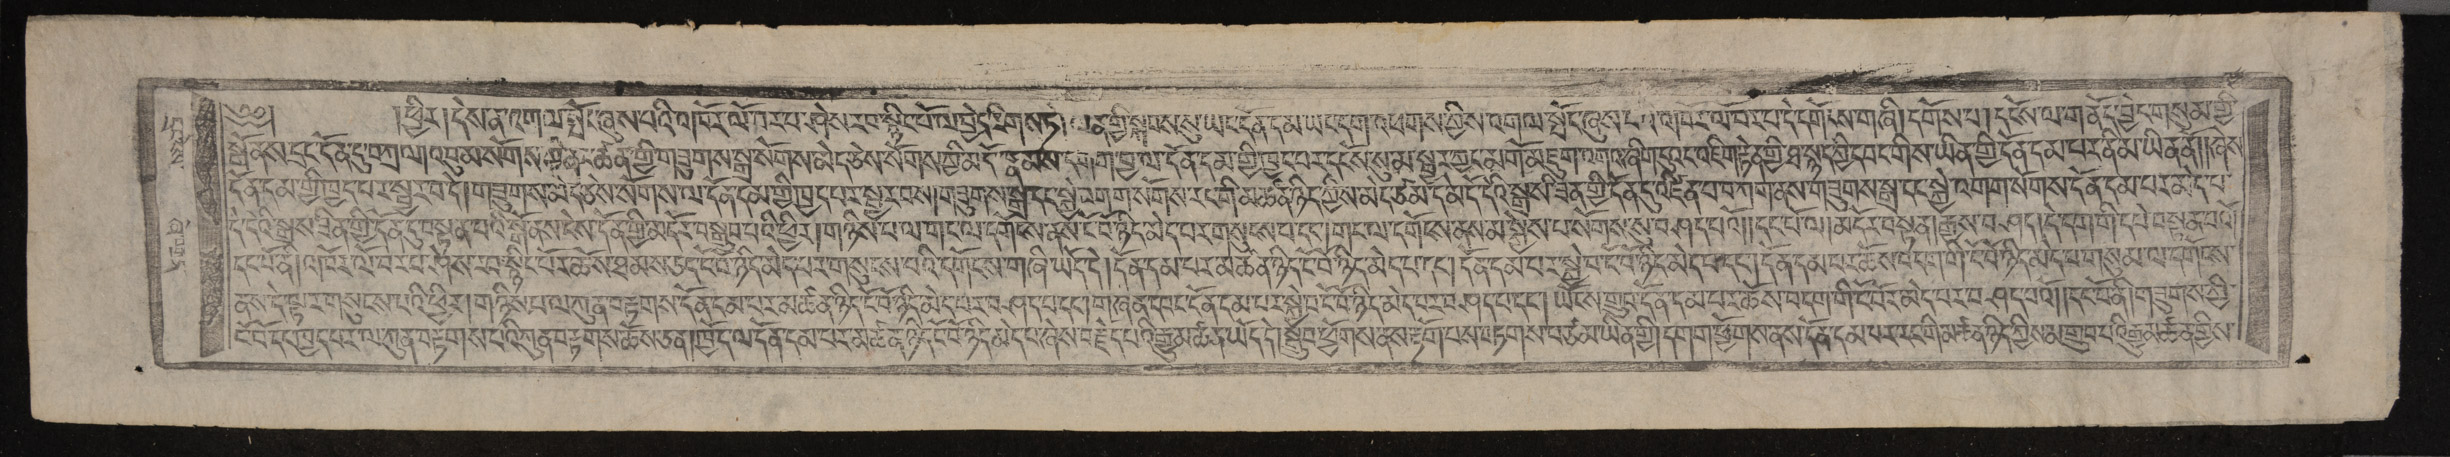༄༅། །ཕྱིར། དེས་ན་འགལ་སྤོང་ཞུས་པའི་འཁོར་ལོ་བར་བ་ཤེས་རབ་སྙིང་པོ་ལ་བྱེད་རིགས་ཏེ། ལན་གྱི་སྐབས་སུ་ཡང་དོན་དམ་ཡང་དག་འཕགས་ཀྱིས་འགལ་སྤོང་ཞུས་པའི་འཁོར་ལོ་བར་པ་དེ་དགོངས་གཞི། དགོས་པ། དངོས་ལ་གནོད་བྱེད་གསུམ་གྱི་
སྒོ་ནས་དྲང་དོན་དུ་བཀྲལ། འབུམ་སོགས་ཀྱི་ནང་ཚན་གྱི་གཟུགས་སྒྲ་སོགས་མེད་ཅེས་སོགས་ཀྱི་མདོ་རྣམས་དགག་བྱ་ལ་དོན་དམ་གྱི་ཁྱད་པར་དངོས་སུ་མ་སྦྱར་ཀྱང་མགོ་མཇུག་འགའ་ཞིག་དུའང་འཇིག་རྟེན་གྱི་ཐ་སྙད་ཀྱི་དབང་གིས་ཡིན་གྱི་དོན་དམ་པར་ནི་མ་ཡིན་ནོ། །ཞེས་
དོན་དམ་གྱི་ཁྱད་པར་སྦྱར་བ་དེ། གཟུགས་མེད་ཅེས་སོགས་ལ་དོན་དམ་གྱི་ཁྱད་པར་སྦྱར་བས། གཟུགས་སྒྲ་དང་སྐྱེ་འགག་སོགས་རང་གི་མཚན་ཉིད་ཀྱིས་མེད་ཙམ་དེ་མདོ་དེའི་སྒྲས་ཟིན་གྱི་དོན་དུ་འཛིན་པ་བཀག་ནས་གཟུགས་སྒྲ་དང་སྐྱེ་འགག་སོགས་དོན་དམ་པར་མེད་པ་
དེ་དེའི་སྒྲས་ཟིན་གྱི་དོན་དུ་བསྟན་པའི་སྒོ་ནས་དེས་དོན་གྱི་མདོར་བསྒྲུབ་པའི་ཕྱིར། གཉིས་པ་ལ་གང་ལ་དགོངས་ནས་ངོ་བོ་ཉིད་མེད་པར་གསུངས་པ་དང་། གང་ལ་དགོངས་ནས་མ་སྐྱེས་པ་སོགས་སུ་བཤད་པའོ། །དང་པོ་ལ། མདོར་བསྟན། རྒྱས་བཤད། དེ་དག་གི་དཔེ་བསྟན་པའོ།
དང་པོ་ནི། འཁོར་ལོ་བར་པ་ཤེས་རབ་སྙིང་པོར་ཆོས་ཐམས་ཅད་ངོ་བོ་ཉིད་མེད་པར་གསུངས་པའི་དགོངས་གཞི་ཡོད་དེ། དོན་དམ་པར་མཚན་ཉིད་ངོ་བོ་ཉིད་མེད་པ་དང་། དོན་དམ་པར་སྐྱེ་བ་ངོ་བོ་ཉིད་མེད་པ་དང་། དོན་དམ་པར་ཆོས་བདག་གི་ངོ་བོ་ཉིད་མེད་པ་གསུམ་ལ་དགོངས་
ནས་དེ་ལྟར་གསུངས་པའི་ཕྱིར། གཉིས་པ་ལ་ཀུན་བརྟགས་དོན་དམ་པར་མཚན་ཉིད་ངོ་བོ་ཉིད་མེད་པར་བཤད་པ་དང་། གཞན་དབང་དོན་དམ་པར་སྐྱེ་བ་ངོ་བོ་ཉིད་མེད་པར་བཤད་པ་དང་། ཡོངས་གྲུབ་དོན་དམ་པར་ཆོས་བདག་གི་ངོ་བོར་མེད་པར་བཤད་པའོ། །དང་པོ་ནི། གཟུགས་ཀྱི་
ངོ་བོ་དང་ཁྱད་པར་ལ་ཀུན་བརྟགས་པའི་ཀུན་བརྟགས་ཆོས་ཅན། ཁྱོད་ལ་དོན་དམ་པར་མཚན་ཉིད་ངོ་བོ་ཉིད་མེད་པ་ཞེས་བརྗོད་པའི་རྒྱུ་མཚན་ཡོད་དེ། སྒྲུབ་ཕྱོགས་ནས་རྟོག་པས་བཏགས་པ་ཙམ་ཡིན་གྱི། དགག་ཕྱོགས་ནས་དོན་དམ་པར་རང་གི་མཚན་ཉིད་ཀྱིས་མ་གྲུབ་པའི་རྒྱུ་མཚན་གྱིས་